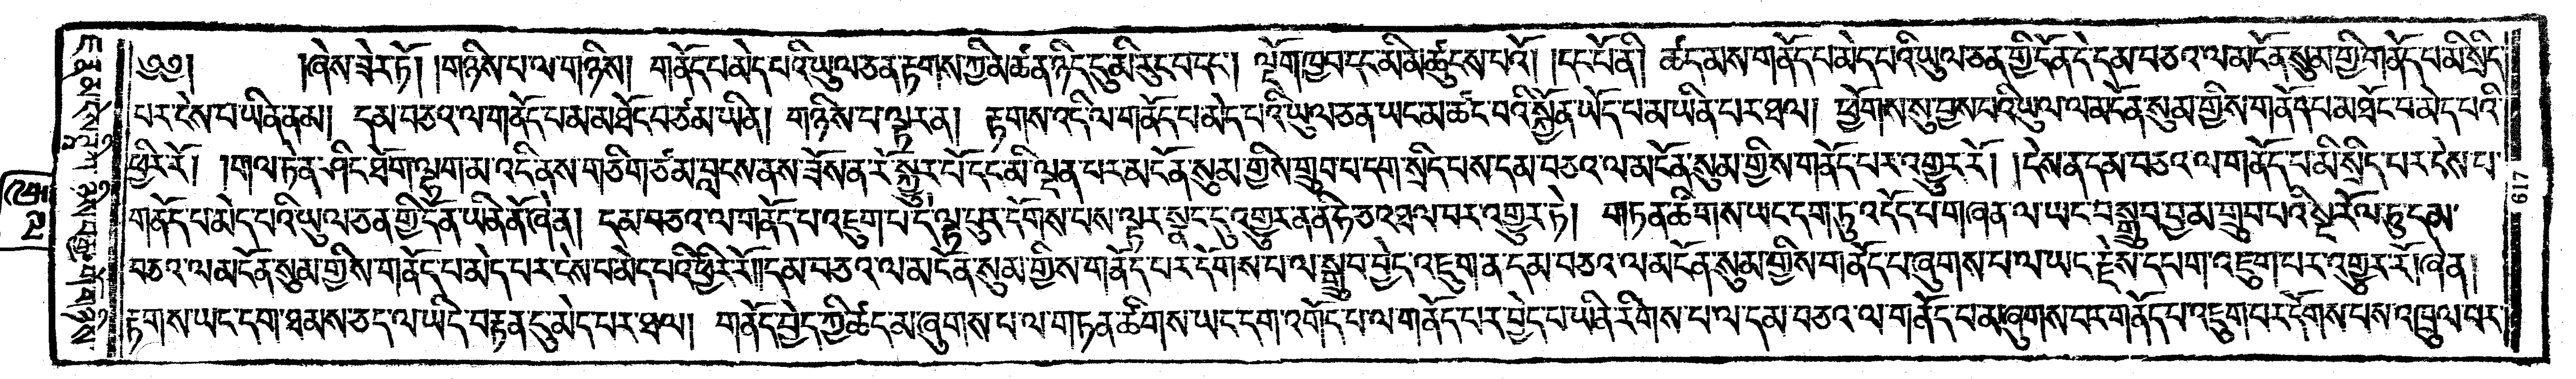༄༅། །ཞེས་ཟེར་ཏོ། །གཉིས་པ་ལ་གཉིས། གནོད་པ་མེད་པའི་ཡུལ་ཅན་རྟགས་ཀྱི་མཚན་ཉིད་དུ་མི་རུང་བ་དང་། ལྡོག་ཁྱབ་དང་མི་མཚུངས་པའོ། །དང་པོ་ནི། ཚད་མས་གནོད་པ་མེད་པའི་ཡུལ་ཅན་གྱི་དོན་དེ་དམ་བཅའ་ལ་མངོན་སུམ་གྱི་གནོད་པ་མི་སྲིད་
པར་ངེས་པ་ཡིན་ནམ། དམ་བཅའ་ལ་གནོད་པ་མ་མཐོང་བ་ཙམ་ཡིན། གཉིས་པ་ལྟར་ན། རྟགས་འདི་ལ་གནོད་པ་མེད་པའི་ཡུལ་ཅན་ཡང་མ་ཚང་བའི་སྐྱོན་ཡོད་པ་མ་ཡིན་པར་ཐལ། ཕྱོགས་སུ་བྱས་པའི་ཡུལ་ལ་མངོན་སུམ་གྱིས་གནོད་པ་མཐོང་བ་མེད་པའི་
ཕྱིར་རོ། །གལ་ཏེ་ན་ཤིང་ཐོག་ལྷག་མ་འདི་ནས་གཅིག་ཙམ་བླངས་ནས་ཟོས་ན་རོ་སྐྱུར་པོ་དང་མི་ལྡན་པར་མངོན་སུམ་གྱིས་གྲུབ་པ་དག་སྲིད་པས་དམ་བཅའ་ལ་མངོན་སུམ་གྱིས་གནོད་པར་འགྱུར་རོ། །དེས་ན་དམ་བཅའ་ལ་གནོད་པ་མི་སྲིད་པར་ངེས་པ་
གནོད་པ་མེད་པའི་ཡུལ་ཅན་གྱི་དོན་ཡིན་ནོ་ཞེ་ན། དམ་བཅའ་ལ་གནོད་པ་འཇུག་པ་དེ་ལྟ་བུར་དོགས་པས་ལྟར་སྣང་དུ་འགྱུར་ན་ནི་ཧ་ཅང་ཐལ་བར་འགྱུར་ཏེ། གཏན་ཚིགས་ཡང་དག་ཏུ་འདོད་པ་གཞན་ལ་ཡང་བསྒྲུབ་བྱ་མ་གྲུབ་པའི་སྔ་རོལ་ཏུ་དམ་
བཅའ་ལ་མངོན་སུམ་གྱིས་གནོད་པ་མེད་པར་ངེས་པ་མེད་པའི་ཕྱིར་རོ། །དམ་བཅའ་ལ་མངོན་སུམ་གྱིས་གནོད་པར་དོགས་པ་ལ་སྒྲུབ་བྱེད་འཇུག་ན་དམ་བཅའ་ལ་མངོན་སུམ་གྱིས་གནོད་པ་ཞུགས་པ་ལ་ཡང་རྗེས་དཔག་འཇུག་པར་འགྱུར་རོ། ཞེ་ན།
རྟགས་ཡང་དག་ཐམས་ཅད་ལ་ཡིད་བརྟན་དུ་མེད་པར་ཐལ། གནོད་བྱེད་ཀྱི་ཚད་མ་ཞུགས་པ་ལ་གཏན་ཚིགས་ཡང་དག་འགོད་པ་ལ་གནོད་པར་བྱེད་པ་ཡིན་རིགས་པ་ལ་དམ་བཅའ་ལ་གནོད་པ་མ་ཞུགས་པར་གནོད་པ་འཇུག་པར་དོགས་པས་འཁྲུལ་པར་